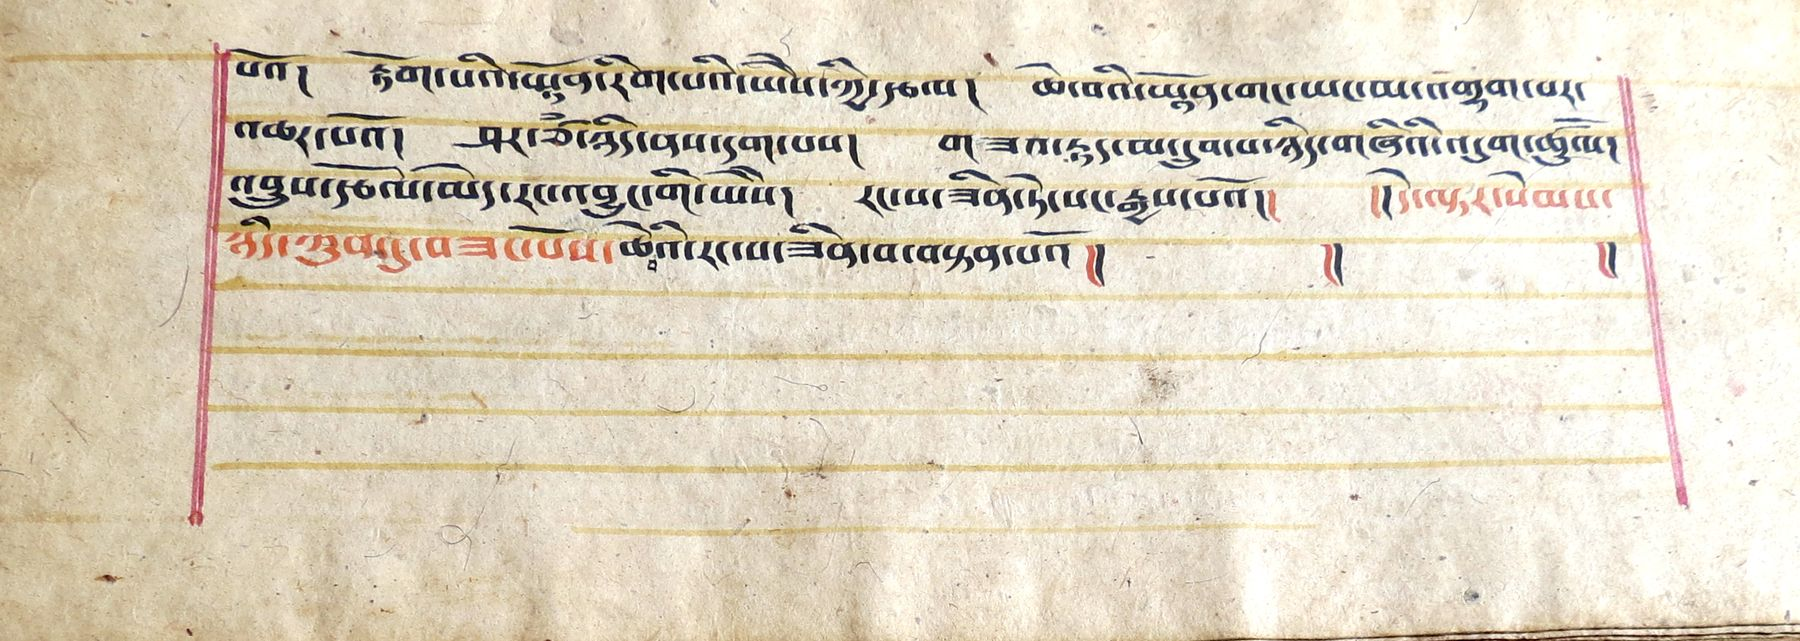པའོ། ། རྟོག་པའི་ཡོན་ཏན་རིག་པའི་ཡེ་ཤེས་རྩལ། ཡེ་བའི་ཡོན་ཏན་གང་ཡང་མ་འགག་པར་
འཆར་བའོ། ཤར་ཙམ་ཉིད་ནས་དག་པས། གཟའ་གཏད་མ་གྲུབ་པ་ཉིད་གཞིའི་འདུག་ཚུལ་ལོ། ། 
འབྲས་བུ་རྩོལ་མེད་རང་འབྱུང་གི་ཡེ་ཤེས། རང་ས་ཟིན་ཏེ་སངས་རྒྱས་པའོ། ། དེ་ལྟར་སེམས་
ཉིད་ཀུན་ཏུ་བཟང་པཽས་ཆེ་བའི་རང་ས་ཟིན་པ་བསྟན་པའོ། ། ། །